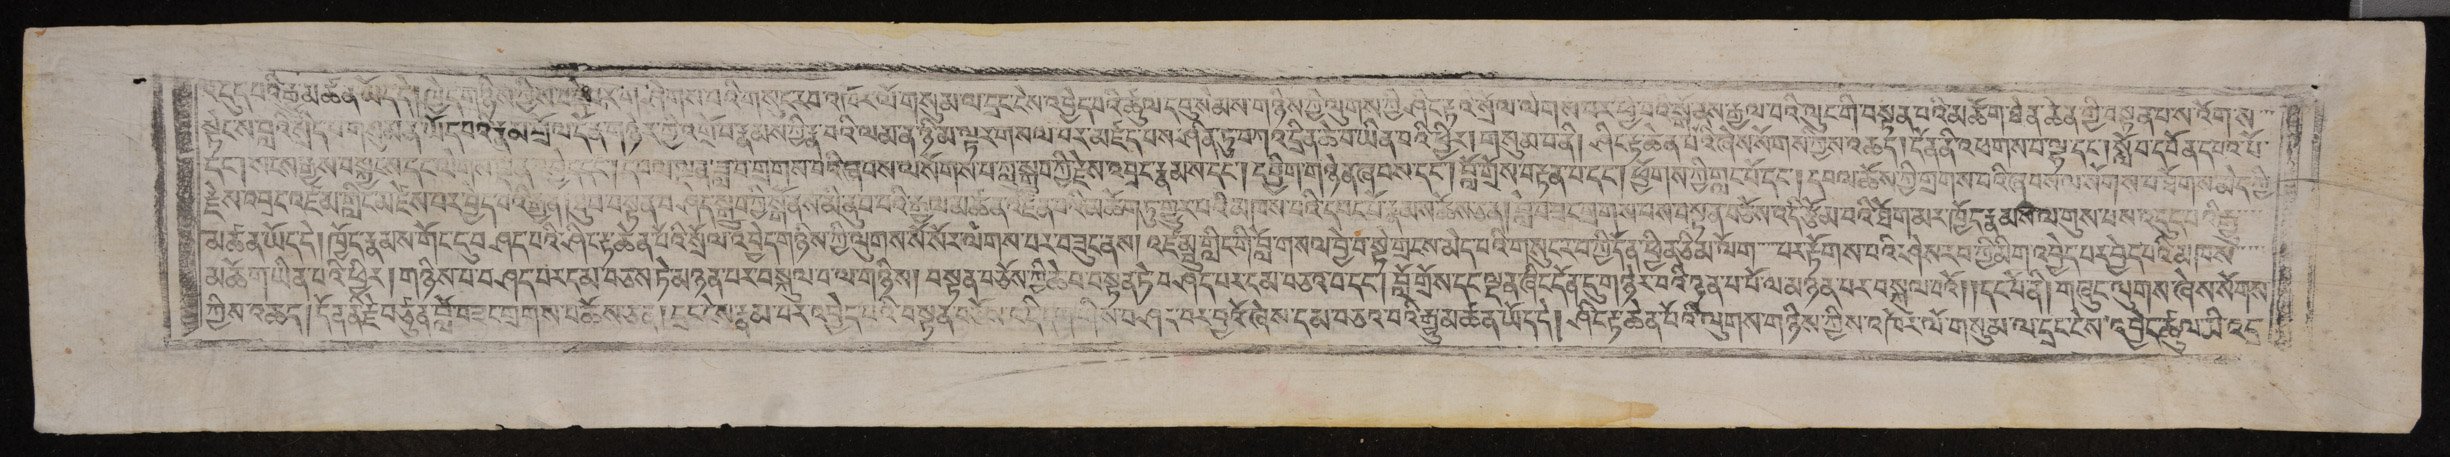འདུད་བའི་རྒྱུ་མཚན་ཡོད་དེ། ཁྱོད་གཉིས་ཀྱིས་བདེ་བར་གཤེགས་པའི་གསུང་རབ་འཁོར་ལོ་གསུམ་ལ་དྲང་ངེས་འབྱེད་པའི་ཚུལ་དབུ་སེམས་གཉིས་ཀྱི་ལུགས་ཀྱི་ཤིང་རྟའི་སྲོལ་ལེགས་པར་ཕྱེ་བའི་སྒོ་ནས་རྒྱལ་བའི་ལུང་གི་བསྟན་པའི་མཆོག་ཐེག་ཆེན་གྱི་བསྟན་པས་འོགས་
སྟེངས་བླའི་སྲིད་པ་གསུམ་ན་ཡོད་པའི་རྣམ་གྲོལ་དོན་གཉེར་གྱི་འགྲོ་བ་རྣམས་ཀྱི་རྣ་བའི་ལམ་ན་ཉི་མ་ལྟར་གསལ་བར་མཛད་པས་ཤིན་ཏུ་བཀའ་དྲིན་ཆེ་བ་ཡིན་པའི་ཕྱིར། གསུམ་པ་ནི། ཤིང་རྟ་ཆེན་པོའི་ཞེས་སོགས་ཀྱིས་འཆད། དོན་ནི་འཕགས་པ་ལྷ་དང་། སློབ་དཔོན་དཔའ་བོ་
དང་། སངས་རྒྱས་བསྐྱངས་དང་ལེགས་ལྡན་འབྱེད་དང་། དཔལ་ལྡན་ཟླ་བ་གྲགས་པའི་ཞབས་ལ་སོགས་པ་ཀླུ་སྒྲུབ་ཀྱི་རྗེས་འབྲང་རྣམས་དང་། དབྱིག་གཉེན་ཞབས་དང་། བློ་གྲོས་བརྟན་པ་དང་། ཕྱོགས་ཀྱི་གླང་པོ་དང་། དཔལ་ཆོས་ཀྱི་གྲགས་པའི་ཞབས་ལ་སོགས་པ་ཐོགས་མེད་ཀྱི་
རྗེས་འབྲང་འཛམ་གླིང་མཛེས་པར་བྱེད་པའི་རྒྱན། ཐུབ་བསྟན་བཤད་སྒྲུབ་ཀྱི་སྒོ་ནས་མི་ནུབ་པའི་རྒྱལ་མཚན་འཛིན་པའི་མཆོག་ཏུ་གྱུར་པའི་མཁས་པའི་དབང་པོ་རྣམས་ཆོས་ཅན། བློ་བཟང་གྲགས་པས་བསྟན་བཅོས་འདི་རྩོམ་པའི་ཐོག་མར་ཁྱོད་རྣམས་ལ་གུས་པས་འདུད་པའི་རྒྱུ་
མཚན་ཡོད་དེ། ཁྱོད་རྣམས་གོང་དུ་བཤད་པའི་ཤིང་རྟ་ཆེན་པོའི་སྲོལ་འབྱེད་གཉིས་ཀྱི་ལུགས་སོ་སོར་ལེགས་པར་བཟུང་ནས། འཛམ་བུ་གླིང་གི་བློ་གསལ་བྱེ་བ་སྟེ་གྲངས་མེད་པའི་གསུང་རབ་ཀྱི་དོན་ཕྱིན་ཅི་མ་ལོག་པར་རྟོགས་པའི་ཤེས་རབ་ཀྱི་མིག་འབྱེད་པར་བྱེད་པའི་མཁས་
མཆོག་ཡིན་པའི་ཕྱིར། གཉིས་པ་བཤད་པར་དམ་བཅས་ཏེ་མཉན་པར་བསྐུལ་བ་ལ་གཉིས། བསྟན་བཅོས་ཀྱི་ཆེ་བ་བསྟན་ཏེ་བཤད་པར་དམ་བཅའ་བ་དང་། བློ་གྲོས་དང་ལྡན་ཞིང་དོན་དུ་གཉེར་བའི་ཉན་པ་པོ་ལ་མཉན་པར་བསྐུལ་བའོ། །དང་པོ་ནི། གཟུང་ལུགས་ཞེས་སོགས་
ཀྱིས་འཆད། དོན་ནི་རྗེ་བཙུན་བློ་བཟང་གྲགས་པ་ཆོས་ཅན། དྲང་ངེས་རྣམ་པར་འབྱེད་པའི་བསྟན་བཅོས་འདི་དག་གིས་བཤད་པར་བྱའོ་ཞེས་དམ་བཅའ་བའི་རྒྱུ་མཚན་ཡོད་དེ། ཤིང་རྟ་ཆེན་པོའི་ལུགས་གཉིས་ཀྱིས་འཁོར་ལོ་གསུམ་ལ་དྲང་ངེས་འབྱེད་ཚུལ་མི་འདྲ་